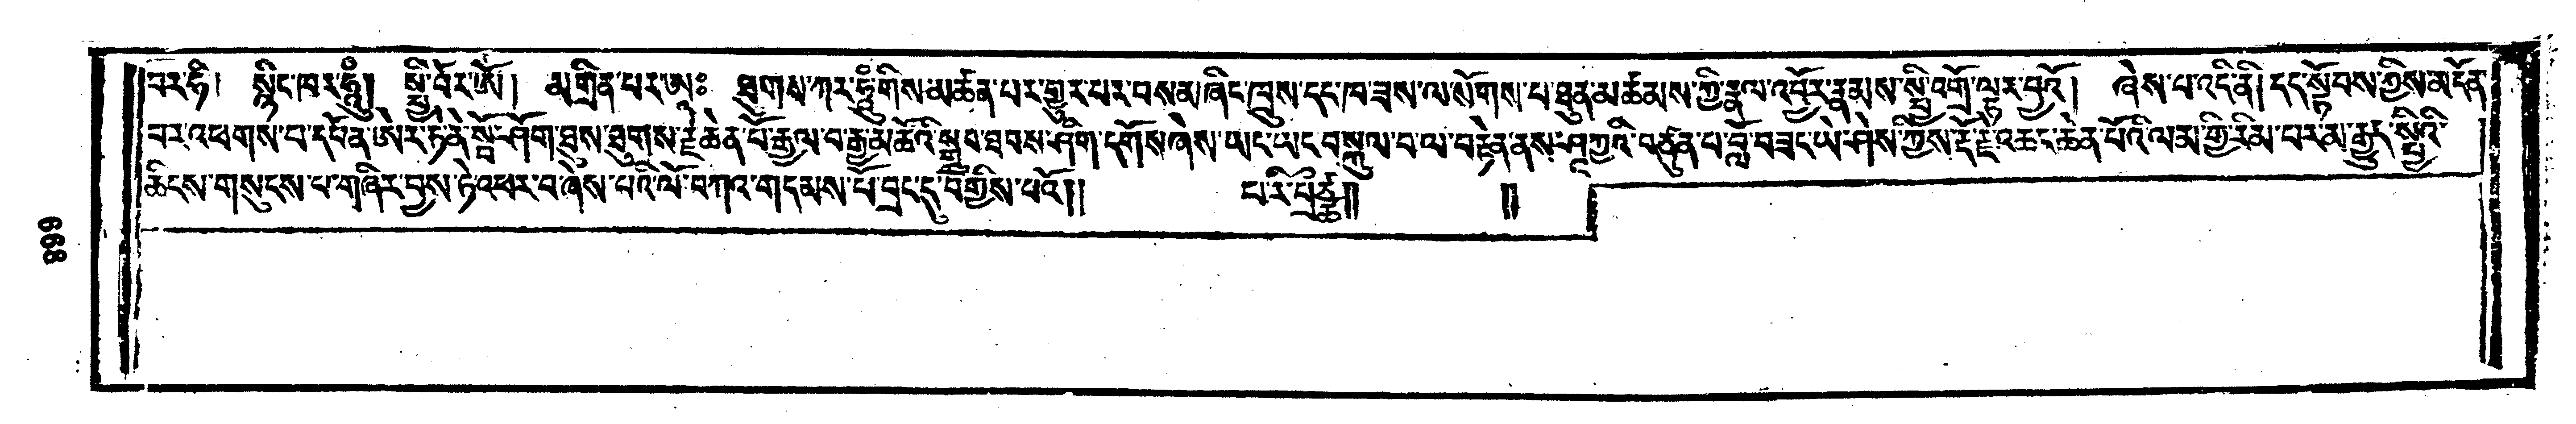བར་ཧི། སྙིང་ཁར་ཧཱུཾ། སྤྱི་བོར་ཨོཾ། མགྲིན་པར་ཨཱཿ ཐུགས་ཀར་ཧཱུཾ་གིས་མཚན་པར་གྱུར་པར་བསམ་ཞིང་ཁྲུས་དང་ཁ་ཟས་ལ་སོགས་པ་ཐུན་མཚམས་ཀྱི་རྣལ་འབྱོར་རྣམས་སྤྱི་འགྲོ་ལྟར་བྱའོ། །ཞེས་པ་འདི་ནི། དད་སྟོབས་ཀྱིས་མདོན་
བར་འཕགས་པ་དཔོན་ཨེར་ཏེ་ནེ་སྦོ་ཤོག་ཐུས་ཐུགས་རྗེ་ཆེན་པོ་རྒྱལ་བ་རྒྱ་མཚོའི་སྒྲུབ་ཐབས་ཤིག་དགོས་ཞེས་ཡང་ཡང་བསྐུལ་བ་ལ་བརྟེན་ནས་ཤཱཀྱའི་བཙུན་པ་བློ་བཟང་ཡེ་ཤེས་ཀྱིས་རྡོ་རྗེ་འཆང་ཆེན་པོའི་ལམ་གྱི་རིམ་པར་མ་རྒྱུད་སྤྱིའི་
ཆིངས་གསུངས་པ་གཞིར་བྱས་ཏེ་འཕར་བ་ཞེས་པའི་ལོ་བཀའ་གདམས་པོ་བྲང་དུ་བགྱིས་པའོ། །པ་རི་པྲྀཙྪ།། །།